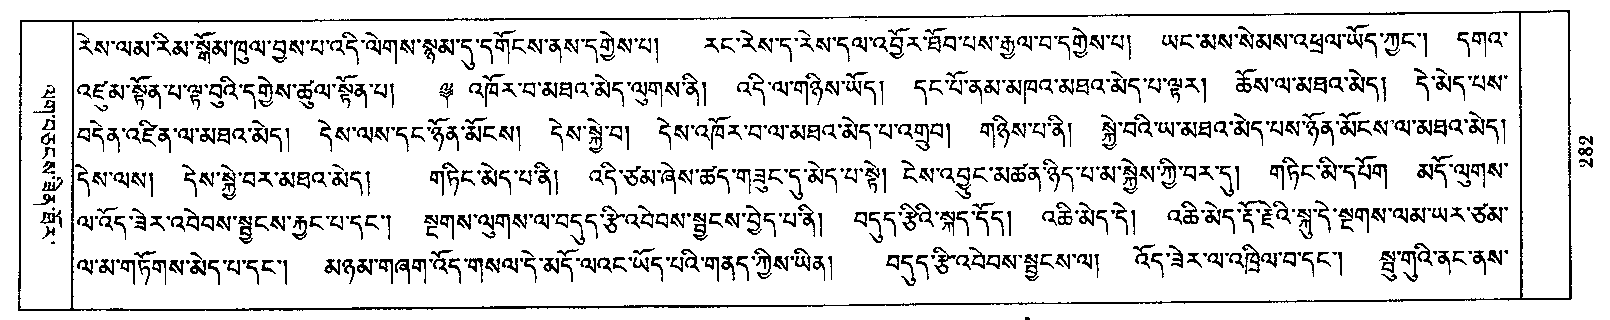རེས་ལམ་རིམ་སྒོམ་ཁུལ་བྱས་པ་འདི་ལེགས་སྙམ་དུ་དགོངས་ནས་དགྱེས་པ། རང་རེས་ད་རེས་དལ་འབྱོར་ཐོབ་པས་རྒྱལ་བ་དགྱེས་པ། ཡང་མས་སེམས་འཕྲལ་ཡོད་ཀྱང་། དགའ་
འཛུམ་སྟོན་པ་ལྟ་བུའི་དགྱེས་ཚུལ་སྟོན་པ། ༈ འཁོར་བ་མཐའ་མེད་ལུགས་ནི། འདི་ལ་གཉིས་ཡོད། དང་པོ་ནམ་མཁའ་མཐའ་མེད་པ་ལྟར། ཆོས་ལ་མཐའ་མེད། དེ་མེད་པས་
བདེན་འཛིན་ལ་མཐའ་མེད། དེས་ལས་དང་ཉོན་མོངས། དེས་སྐྱེ་བ། དེས་འཁོར་བ་ལ་མཐའ་མེད་པ་འགྲུབ། གཉིས་པ་ནི། སྐྱེ་བའི་ཡ་མཐའ་མེད་པས་ཉོན་མོངས་ལ་མཐའ་མེད།
དེས་ལས། དེས་སྐྱེ་བར་མཐའ་མེད། གཏིང་མེད་པ་ནི། འདི་ཙམ་ཞེས་ཚད་གཟུང་དུ་མེད་པ་སྟེ། ངེས་འབྱུང་མཚན་ཉིད་པ་མ་སྐྱེས་ཀྱི་བར་དུ། གཏིང་མི་དཔོག་མདོ་ལུགས་
ལ་འོད་ཟེར་འབེབས་སྦྱངས་རྐྱང་པ་དང་། སྔགས་ལུགས་ལ་བདུད་རྩི་འབེབས་སྦྱངས་བྱེད་པ་ནི། བདུད་རྩིའི་སྐད་དོད། འཆི་མེད་དེ། འཆི་མེད་རྡོ་རྗེའི་སྐུ་དེ་སྔགས་ལམ་ཡར་ཙམ་
ལ་མ་གཏོགས་མེད་པ་དང་། མཉམ་གཞག་འོད་གསལ་དེ་མདོ་ལའང་ཡོད་པའི་གནད་ཀྱིས་ཡིན། བདུད་རྩི་འབེབས་སྦྱངས་ལ། འོད་ཟེར་ལ་འཁྲིལ་བ་དང་། སྦུ་གུའི་ནང་ནས་